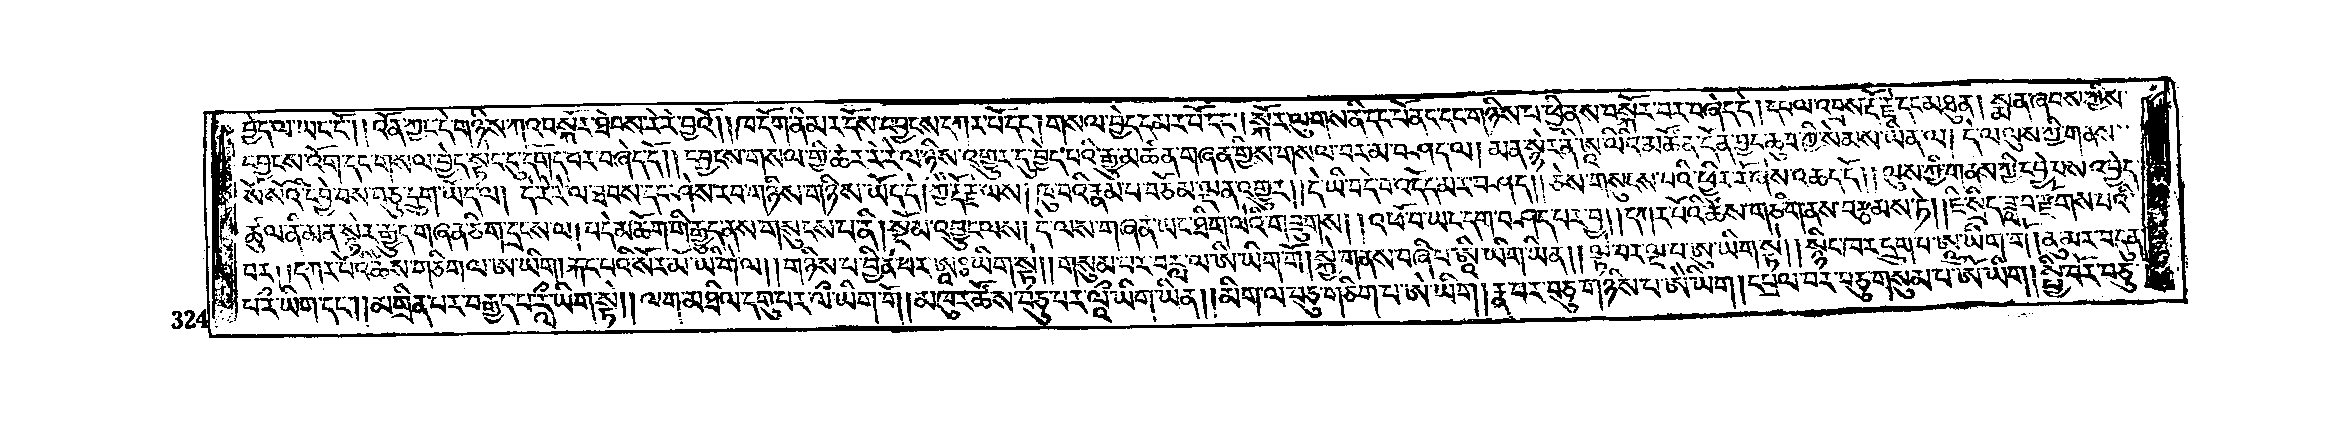བྱེད་ལ་ཡང་ངོ། །འོན་ཀྱང་དེ་གཉིས་ཀའང་སྐོར་ཐེབས་རེ་རེ་བྱའོ། །ཁ་དོག་ནི་མར་དོས་དབྱངས་དཀར་པོ་དང་། གསལ་བྱེད་དམར་པོ་དང་། སྐོར་ལུགས་ནི་དང་པོ་ནང་དང་གཉིས་པ་ཕྱི་ནས་བསྐོར་བར་བཞེད་དེ། དཔལ་འབྲས་རྡོ་རྗེ་དང་མཐུན། སྨན་ཞབས་ཀྱིས་
དབྱངས་འོག་དང་གསལ་བྱེད་སྟེང་དུ་དགོད་པར་བཞེད་དོ། །དབྱངས་གསལ་གྱི་ཚར་རེ་རེ་ལ་ཉིས་འགྱུར་དུ་བྱེད་པའི་རྒྱུ་མཚན་གཞན་གྱིས་གསལ་བར་མ་བཤད་ལ། མན་སྙེར་ནི་ཨཱ་ལིའི་མཚོན་དོན་བྱང་ཆུབ་ཀྱི་སེམས་ཡིན་ལ། དེ་ལ་ལུས་ཀྱི་གནས་
སོ་སོའི་དབྱེ་བས་བཅུ་དྲུག་ཡོད་ལ། དེ་རེ་རེ་ལ་ཐབས་དང་ཤེས་རབ་གཉིས་གཉིས་ཡོད་དེ། ཀྱཻ་རྡོ་རྗེ་ལས། ཁུ་བའི་རྣམ་པ་བཅོམ་ལྡན་འགྱུར། །དེ་ཡི་བདེ་བ་འདོད་མར་བཤད། །ཅེས་གསུངས་པའི་ཕྱིར་རོ་ཞེས་འཆད་དོ། །ལུས་ཀྱི་གནས་ཀྱི་དབྱེ་བས་འབྱེད་
ཚུལ་ནི་མན་སྙེར་རྒྱུད་གཞན་ཅིག་དྲངས་ལ། བདེ་མཆོག་གི་རྒྱུད་ནས་གསུངས་པ་ནི། སྡོམ་འབྱུང་ལས། དེ་ལས་གཞན་ཡང་ཐིག་ལེའི་གཟུགས། །འཕོ་བ་ཡང་དག་བཤད་པར་བྱ། །དཀར་པོའི་ཚེས་གཅིག་ནས་བརྩམས་ཏེ། །ཇི་སྲིད་ཟླ་བ་རྫོགས་པའི་
བར། །དཀར་པོའི་ཚེས་གཅིག་ལ་ཨ་ཡིག །རྐང་པའི་སོར་མོ་ཡི་གེ་ལ། །གཉིས་པ་བྱིན་པར་ཨཱཿ ཡིག་སྟེ། །གསུམ་པར་བརླ་ལ་ཨི་ཡིག་གོ །སྐྱེ་གནས་བཞི་པ་ཨཱི་ཡིག་ཡིན། །ལྟེ་བར་ལྔ་པ་ཨུ་ཡིག་སྟེ། །སྙིང་ཁར་དྲུག་པ་ཨཱུ་ཡིག་གོ །ནུ་མར་བདུན་
པྀ་ར་ཡིག་དང་། །མགྲིན་པར་བརྒྱད་པ་རཱྀ་ཡིག་སྟེ། །ལག་མཐིལ་དགུ་པར་ལཾ་?་ཡིག་གོ །མཁུར་ཚོས་བཅུ་པར་ལཱྀ་ཡིག་ཡིན། །མིག་ལ་བཅུ་གཅིག་པ་ཨེ་ཡིག །རྣ་བར་བཅུ་གཉིས་པ་ཨཻ་ཡིག །དཔྲལ་བར་བཅུ་གསུམ་པ་ཨོ་ཡིག །སྤྱི་བོར་བཅུ་